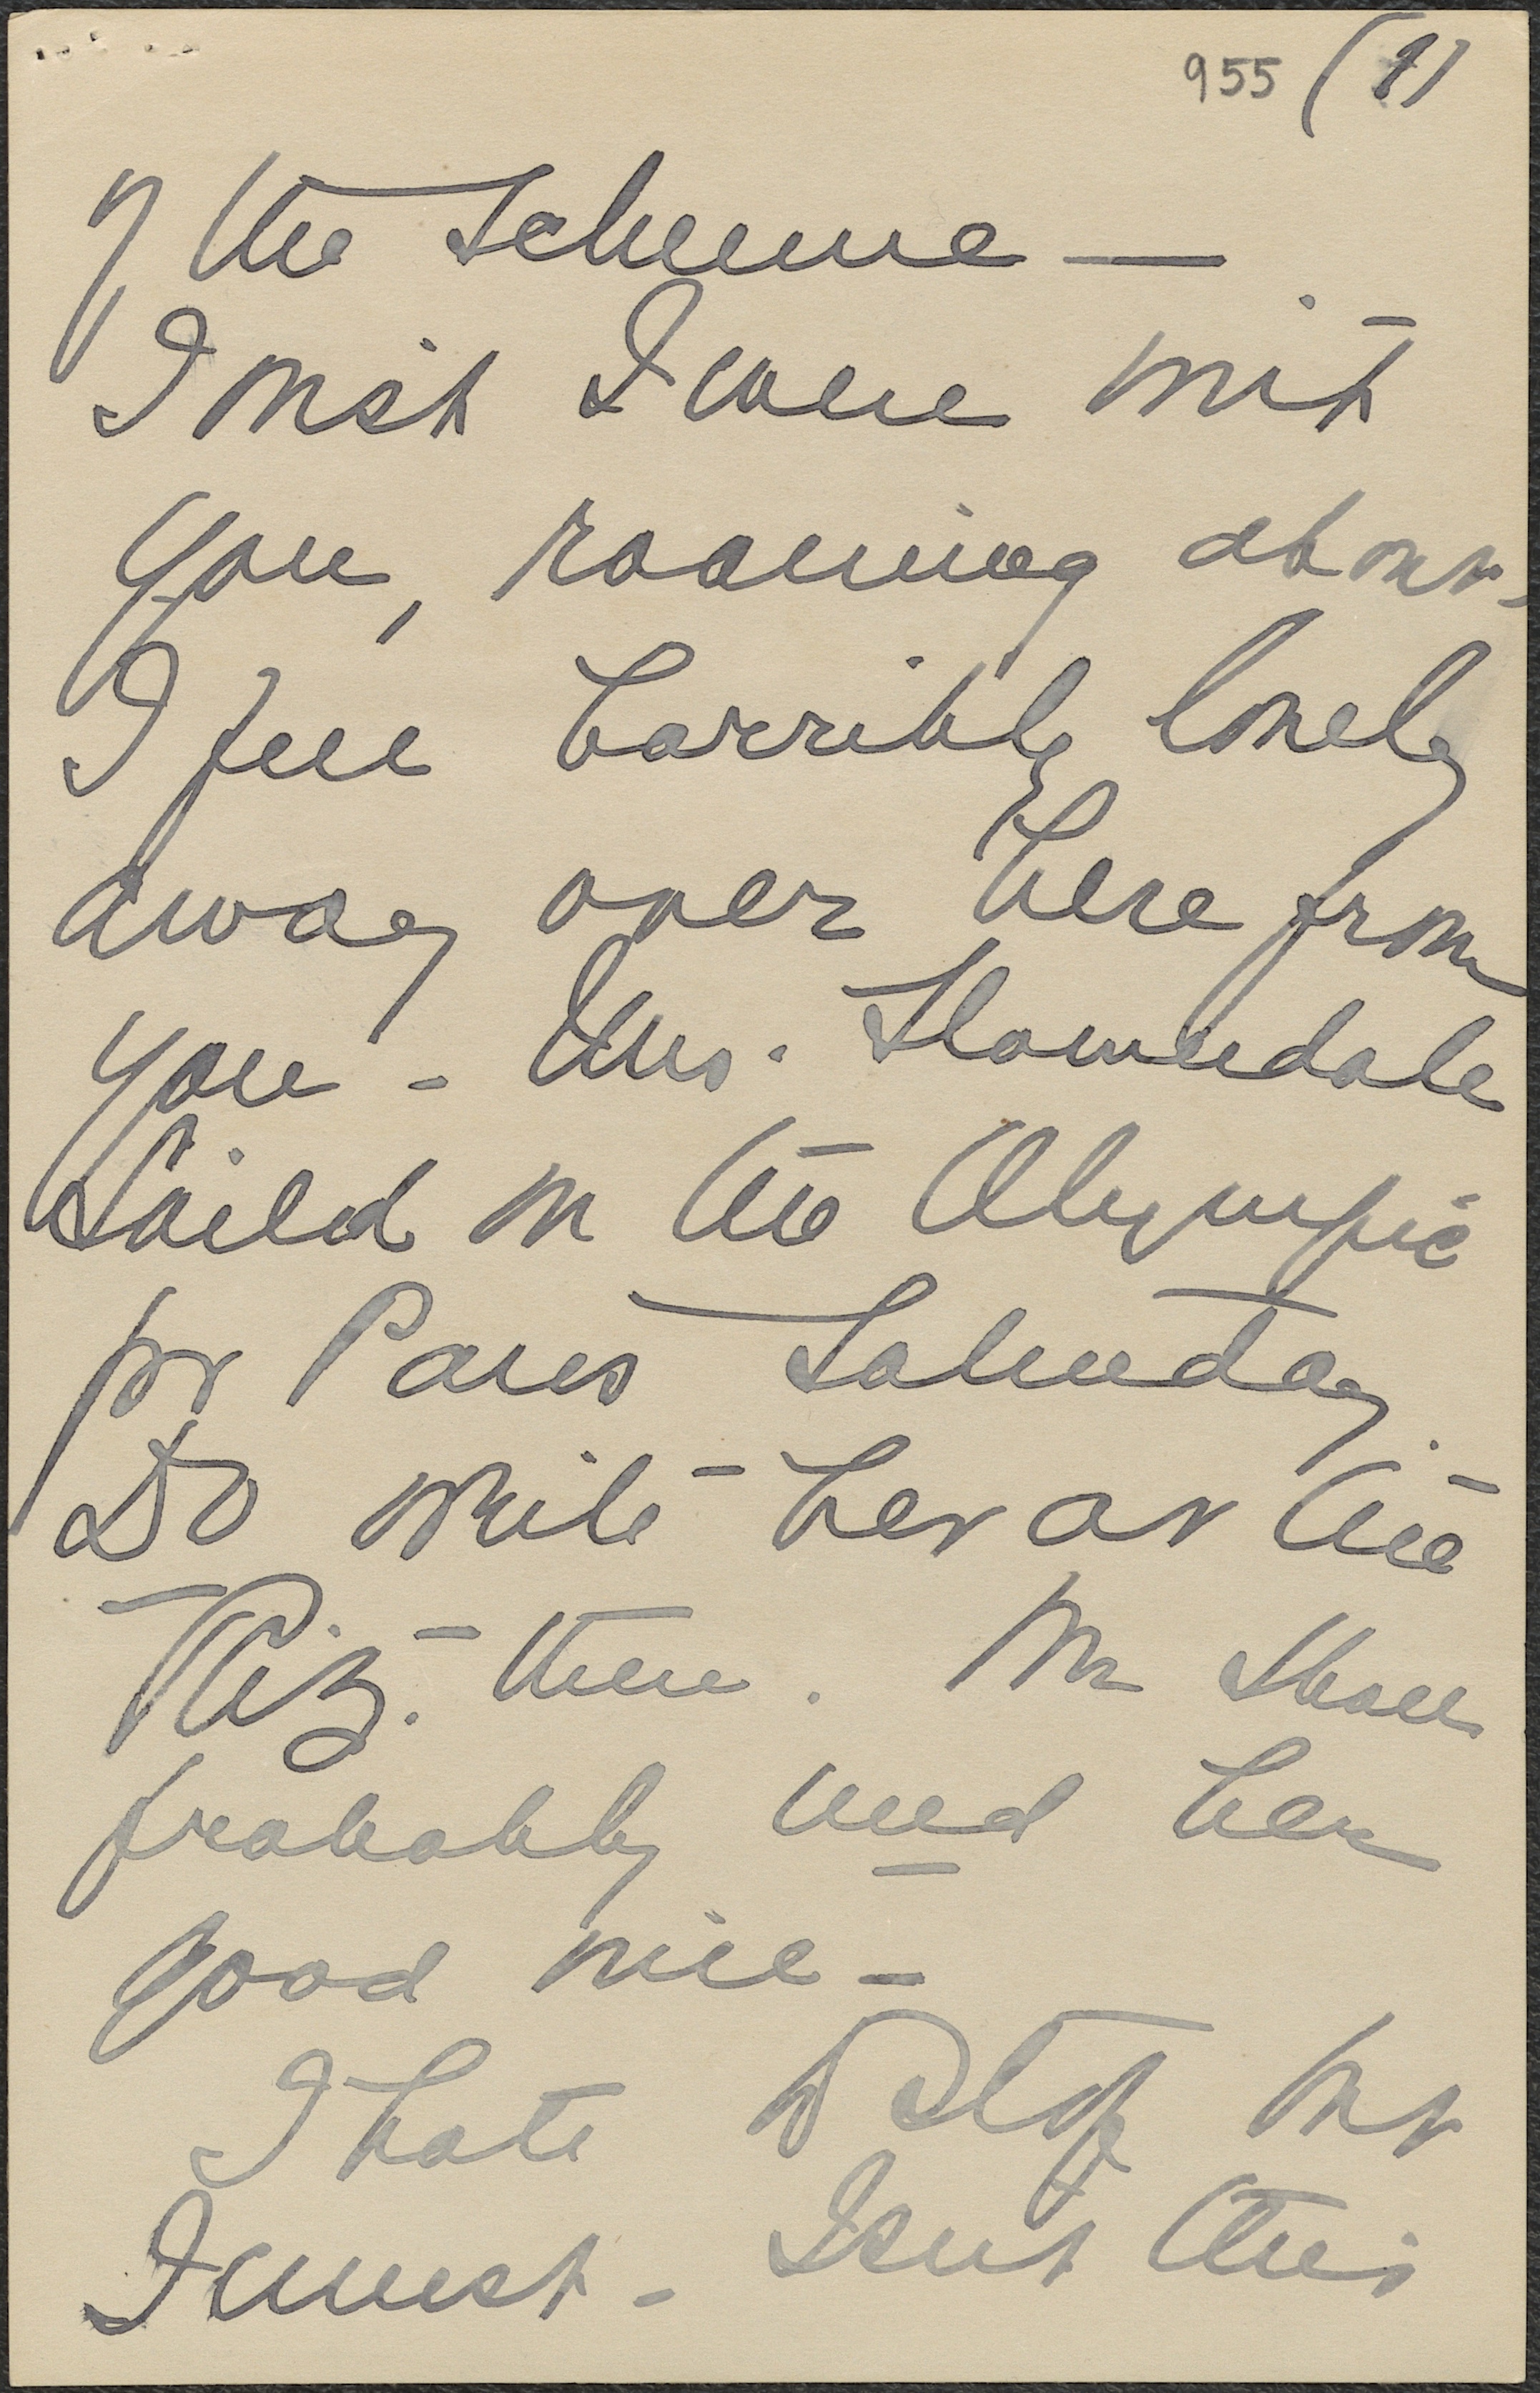(11
of the scheme –
I wish I were with you, roaming about – I feel horribly lonely away over here from you – Mrs. Flowerdale sailed on the Olympic for Paris Saturday. Do write her at the Ritz there. We shall probably need her good will –
I hate to stop but I must – Isn’t this